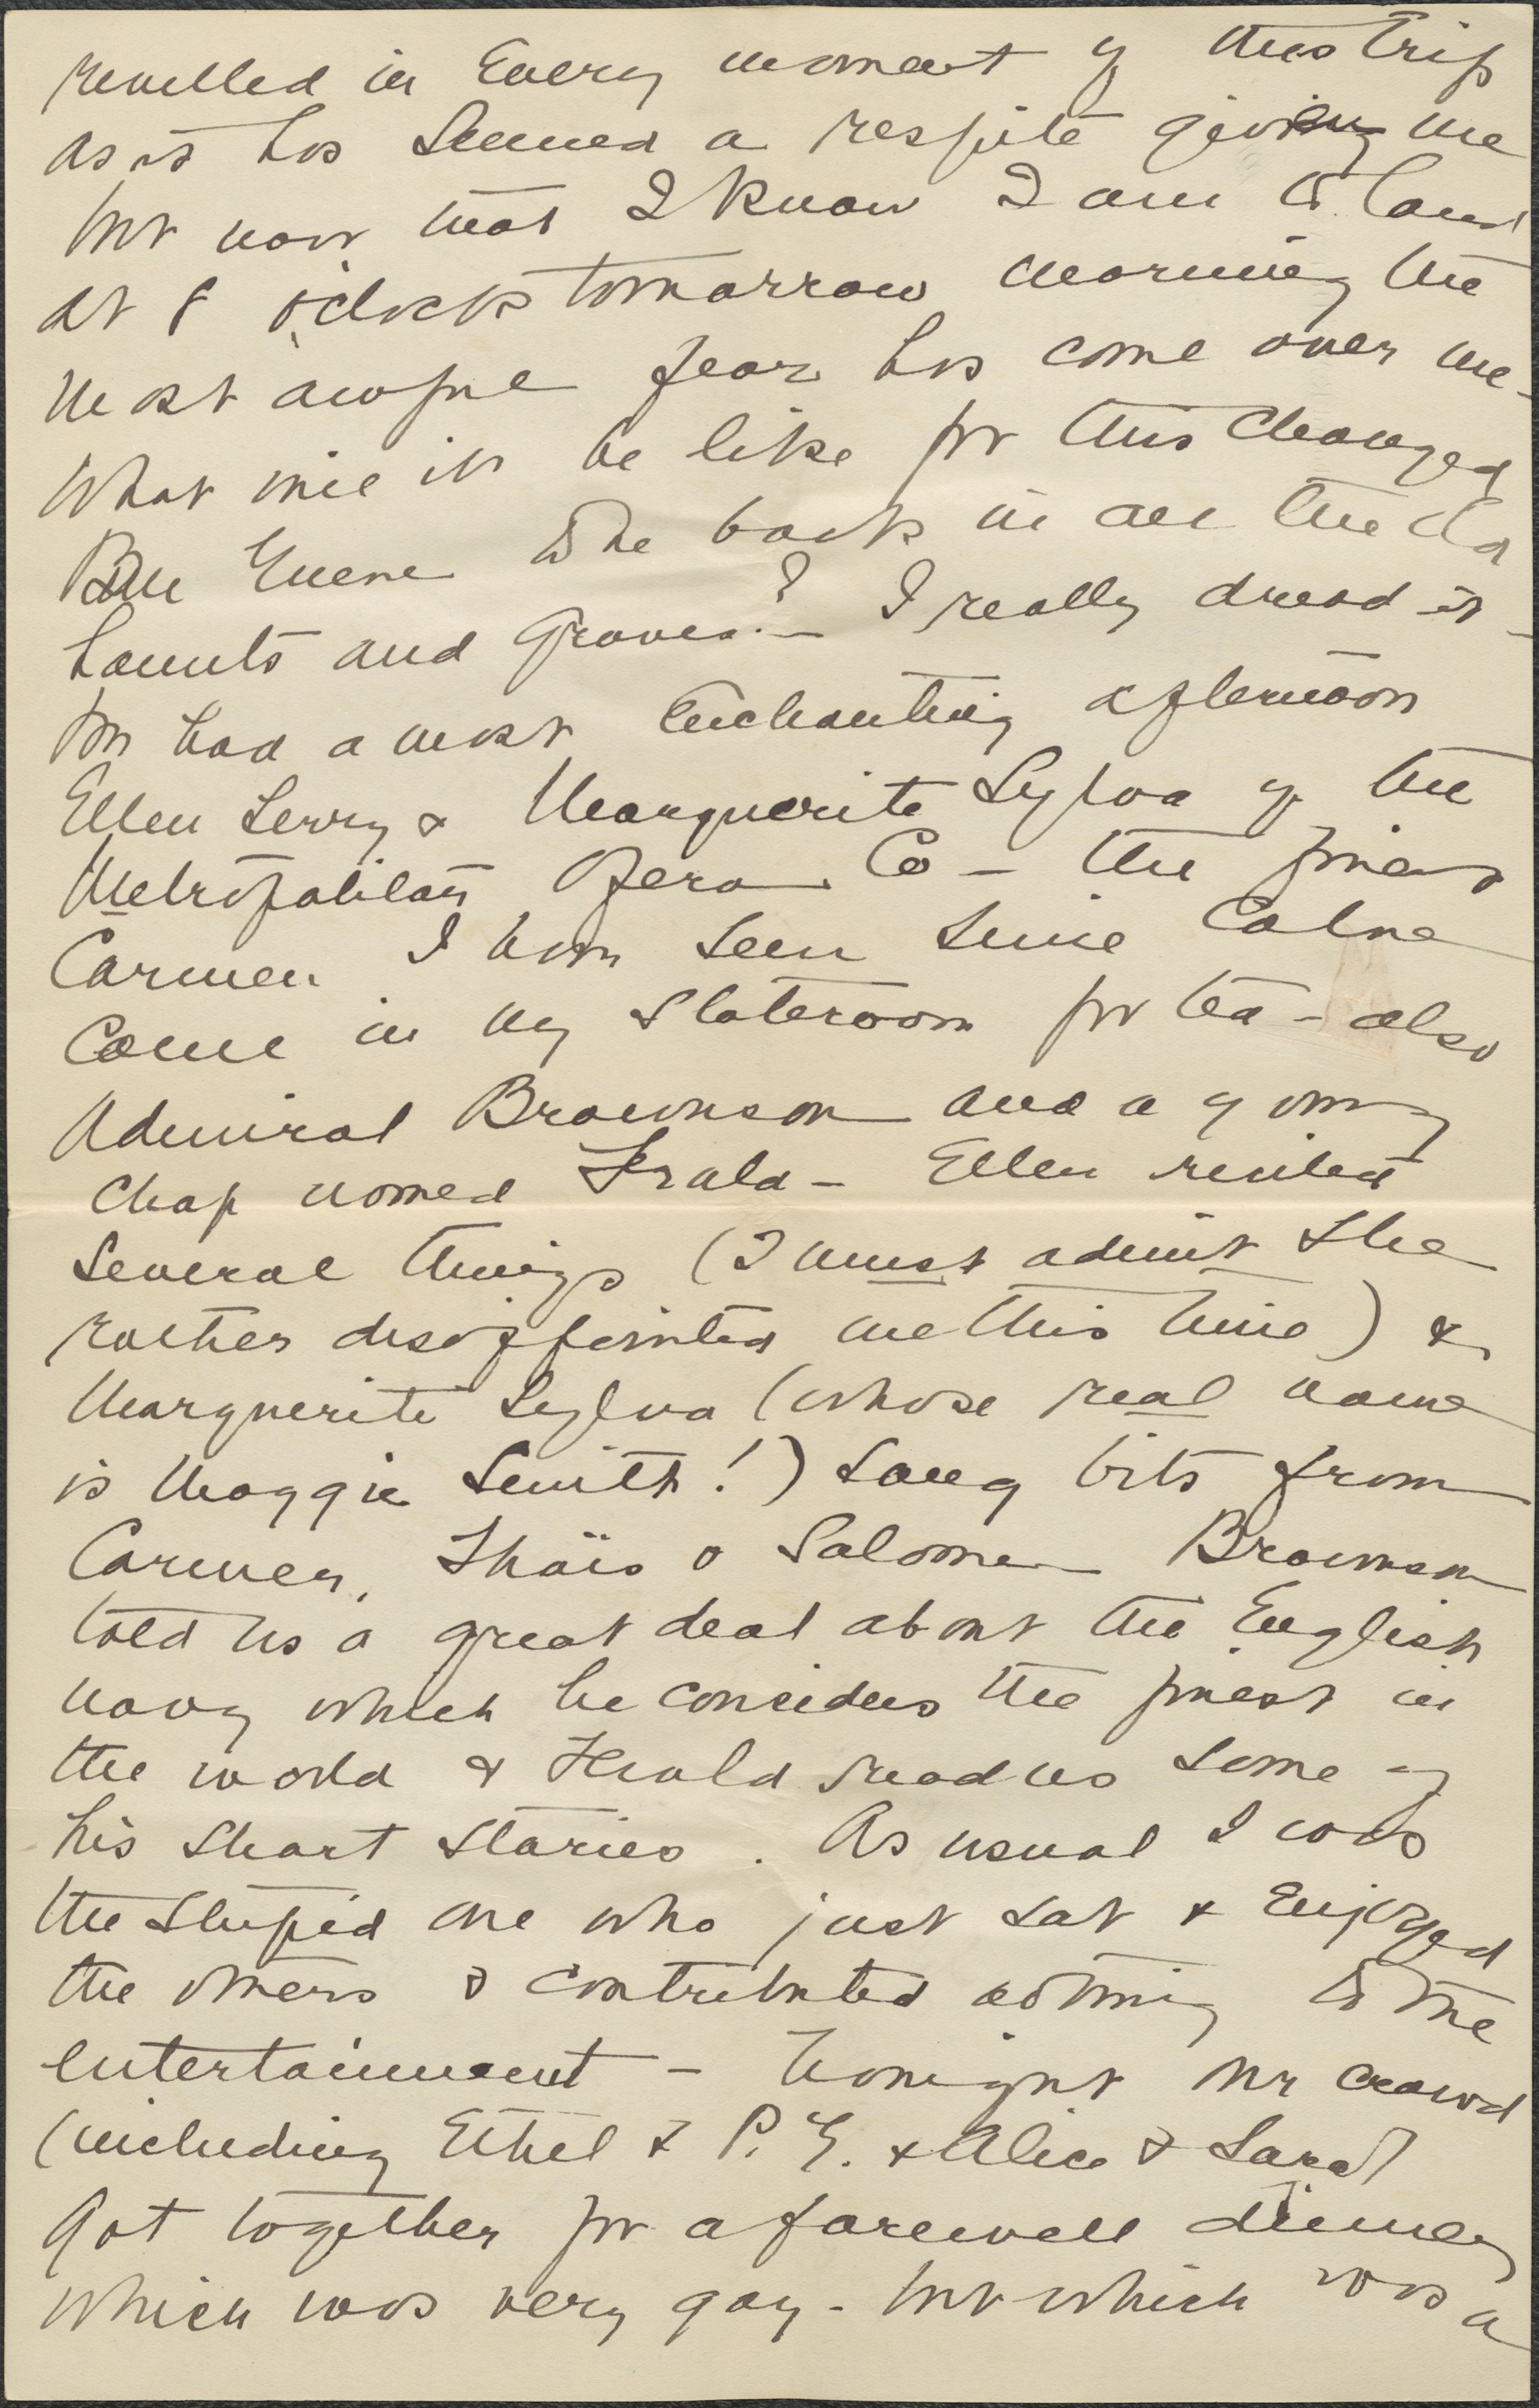revelled in every moment of this trip as it has seemed a respite givingen me but now that I know I am to land at 8 o’clock tomorrow morning the most awful fear has come over me – What will it be like for this changed Belle Greene to be back in all the old haunts and graves? – I really dread it – We had a most enchanting afternoon Ellen Terry & Marguerite Sylva of the Metropolitan Opera Co – the finest Carmen I have seen since Calve came in my stateroom for tea – also Admiral Brownson and a young chap named Gerald – Ellen recited several things (I must admit she rather disappointed me this time) & Marguerite Sylva (whose real name is Maggie Smith!) sang bits from Carmen, Thaïs & Salome – Brownson told us a great deal about the English navy which he considers the finest in the world & Gerald read us some of his short stories. As usual I was the stupid one who just sat & enjoyed the others & contributed nothing to the entertainment – Tonight our crowd (including Ethel & P. G. & Alice & Sara) got together for a farewell dinner which was very gay – but which was a